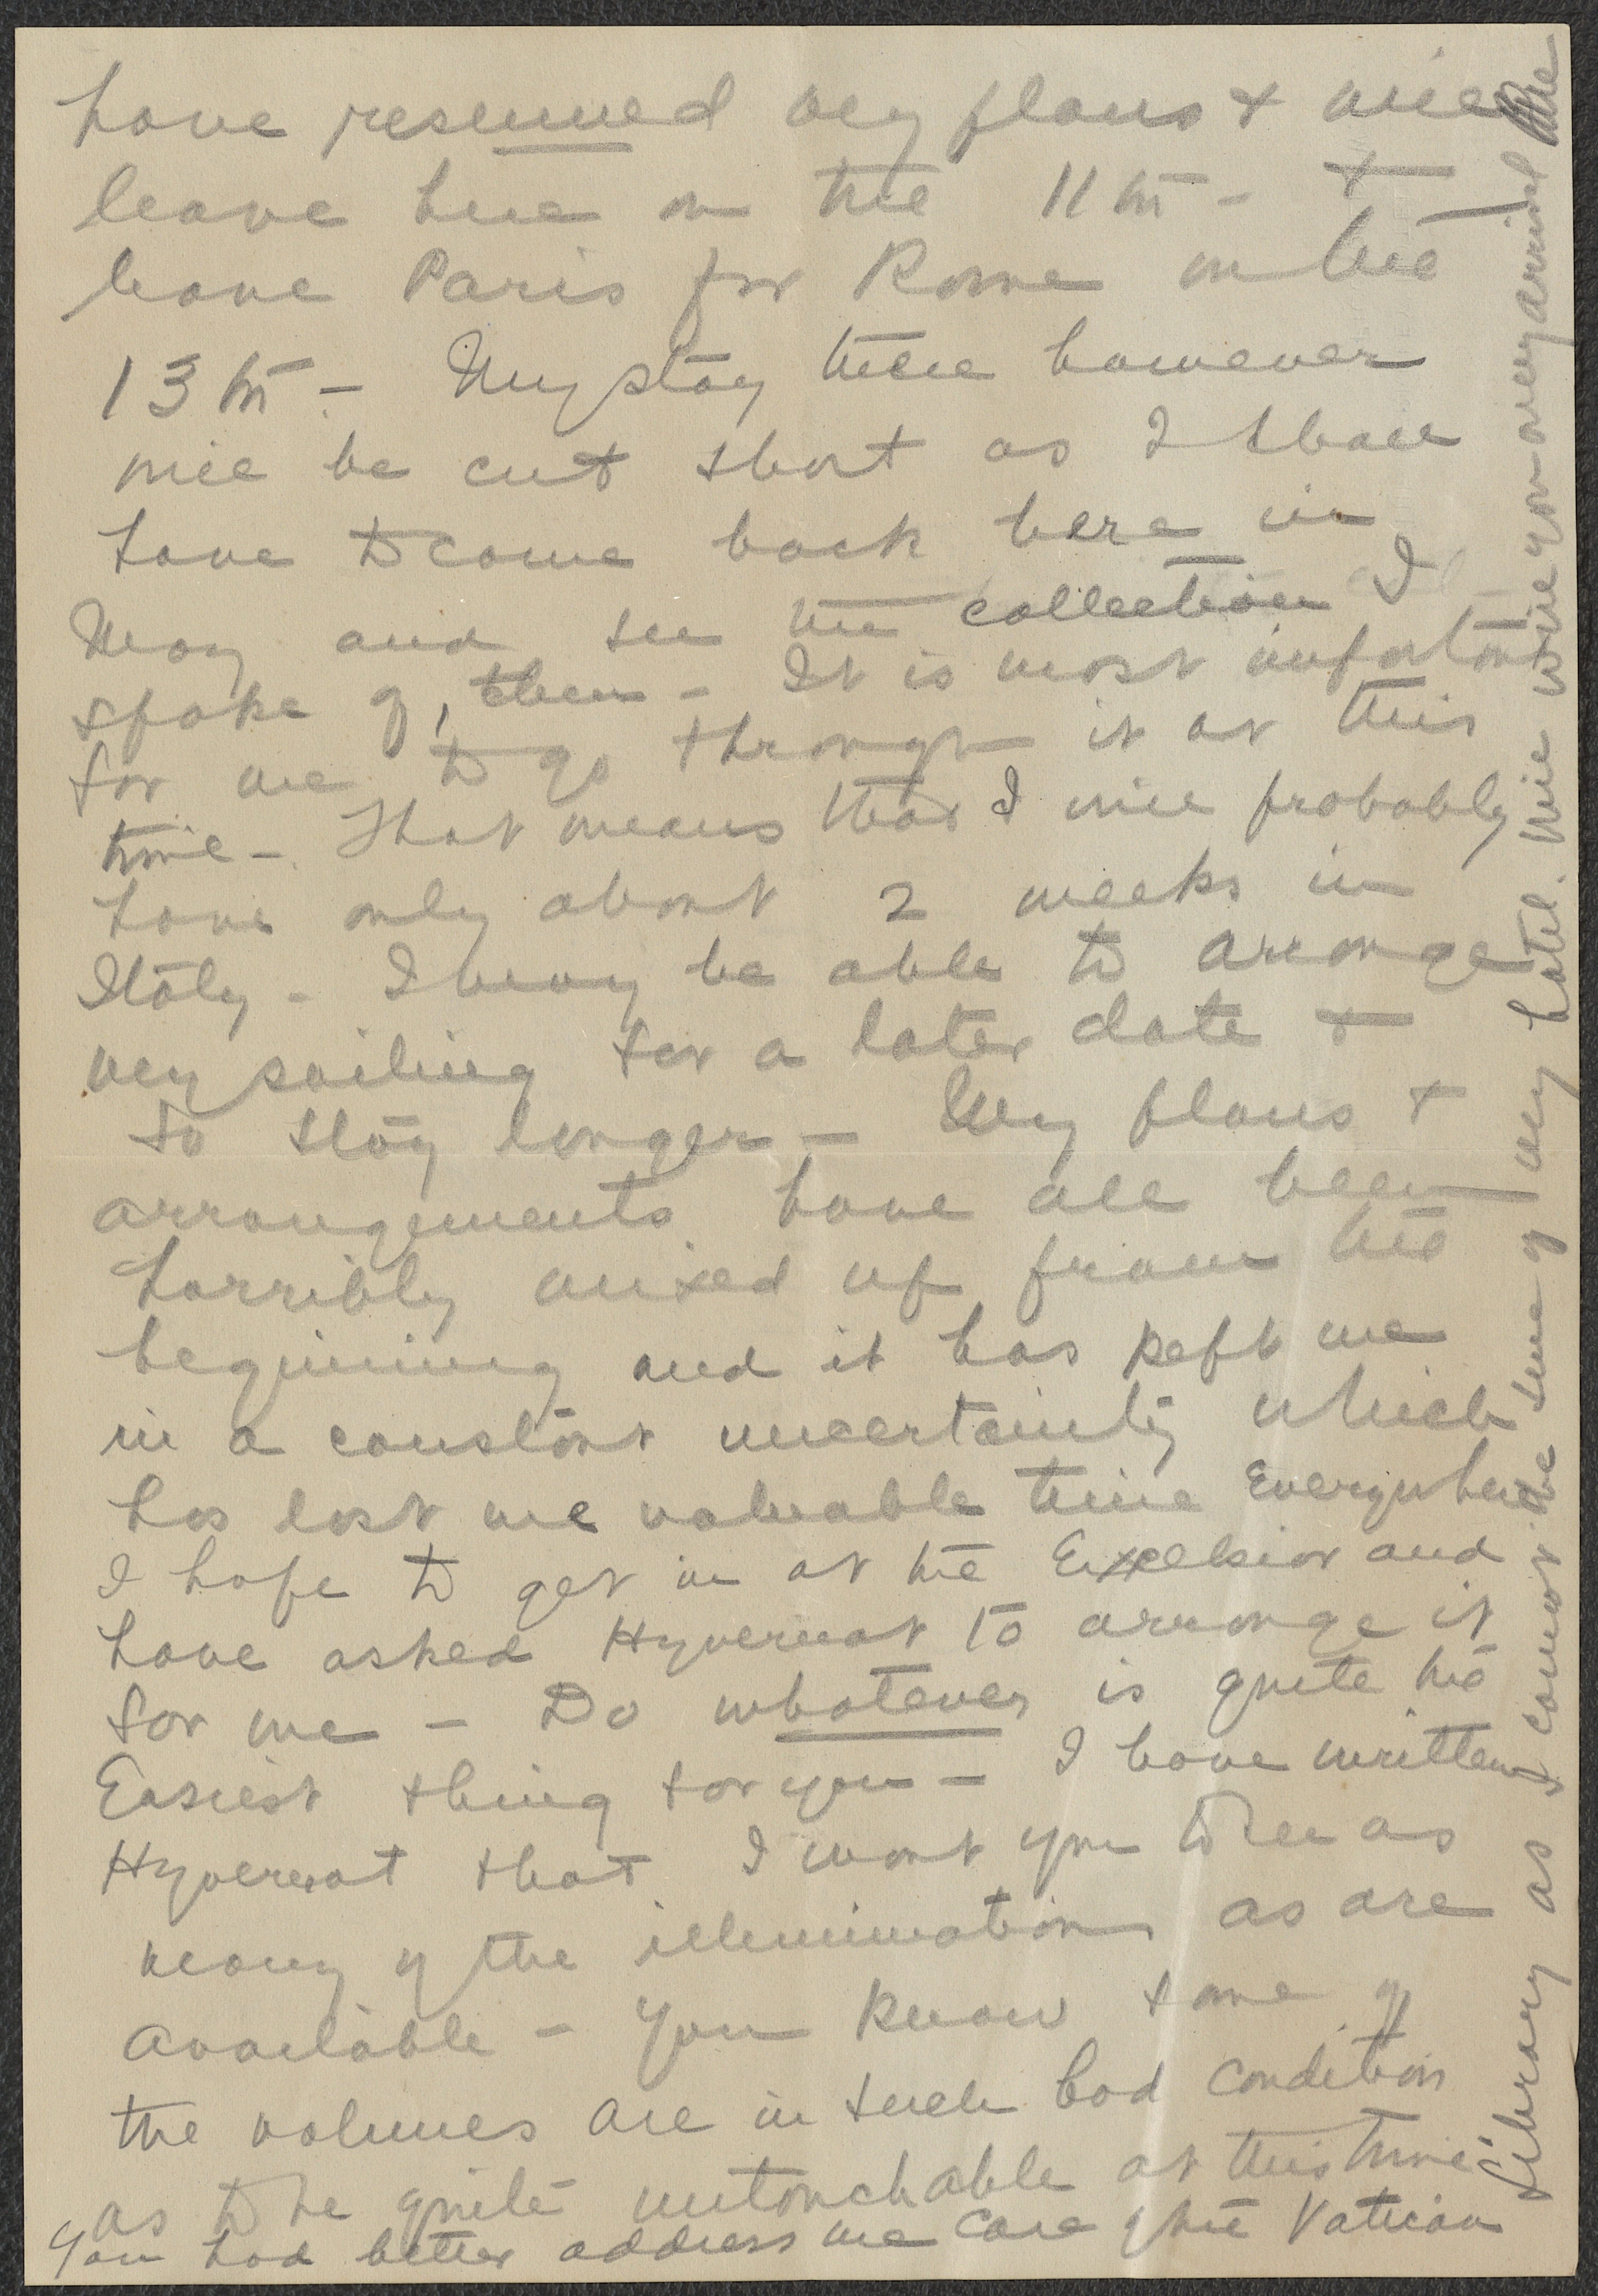have resumed my plans & will leave here on the 11th – & leave Paris for Rome on the 13th – My stay there however will be cut short as I shall have to come back here in May and see the collection I spoke of, there – It is most important for me to go through it at this time – That means that I will probably have only about 2 weeks in Italy – I may be able to arrange my sailing for a later date & so stay longer – My plans & arrangements have all been horribly mixed up from the beginning and it has kept me in a constant uncertainty which has lost me valuable time everywhere I hope to get in at the Excelsior and I have asked Hyvernat to arrange it for me – Do whatever is quite the easiest thing for you – I have written Hyvernat that I want you to see as many of the illuminations as are available – You know some of the volumes are in such bad condition as to be quite untouchable at this time. You had better address me care of the Vatican [written on the right-hand margin: Library as I cannot be sure of my hotel. Will write you on my arrival Belle]